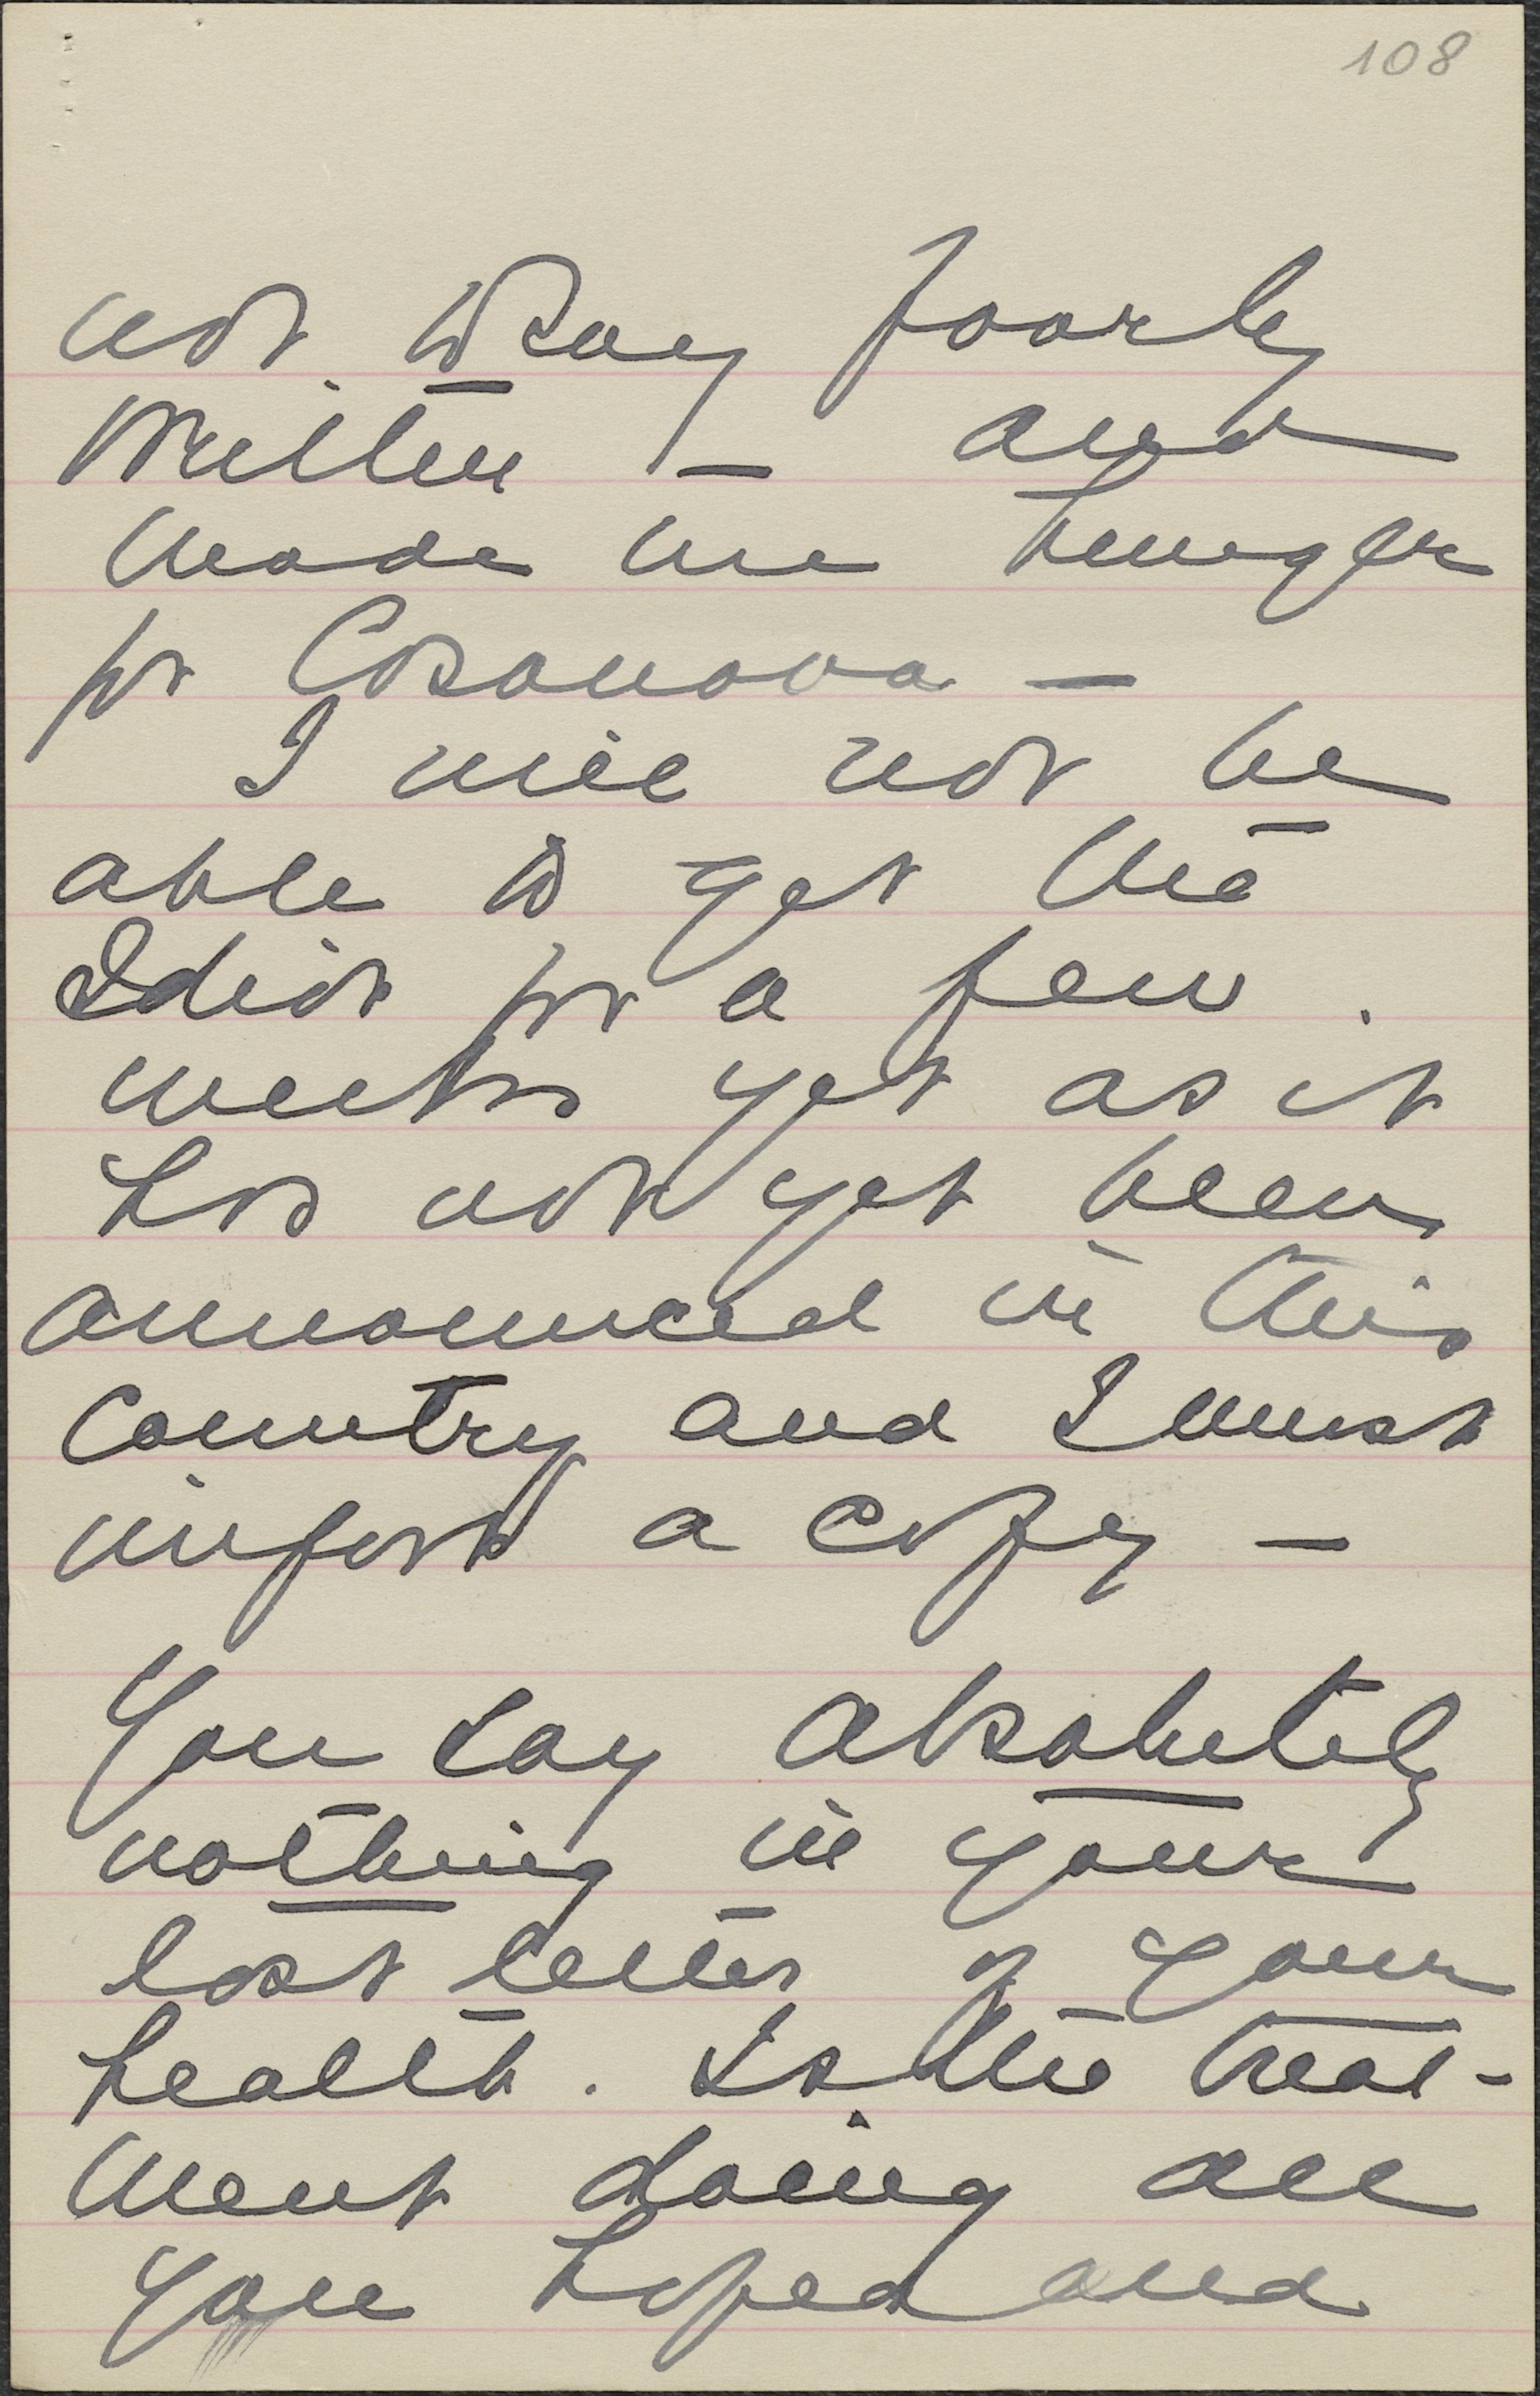not to say poorly written – and made me hunger for Casanova –
I will not be able to get the Idiot for a few weeks yet as it has not yet been announced in this country and I must import a copy –
You say absolutely nothing in your last letter of your health. Is the treatment doing all you hoped and